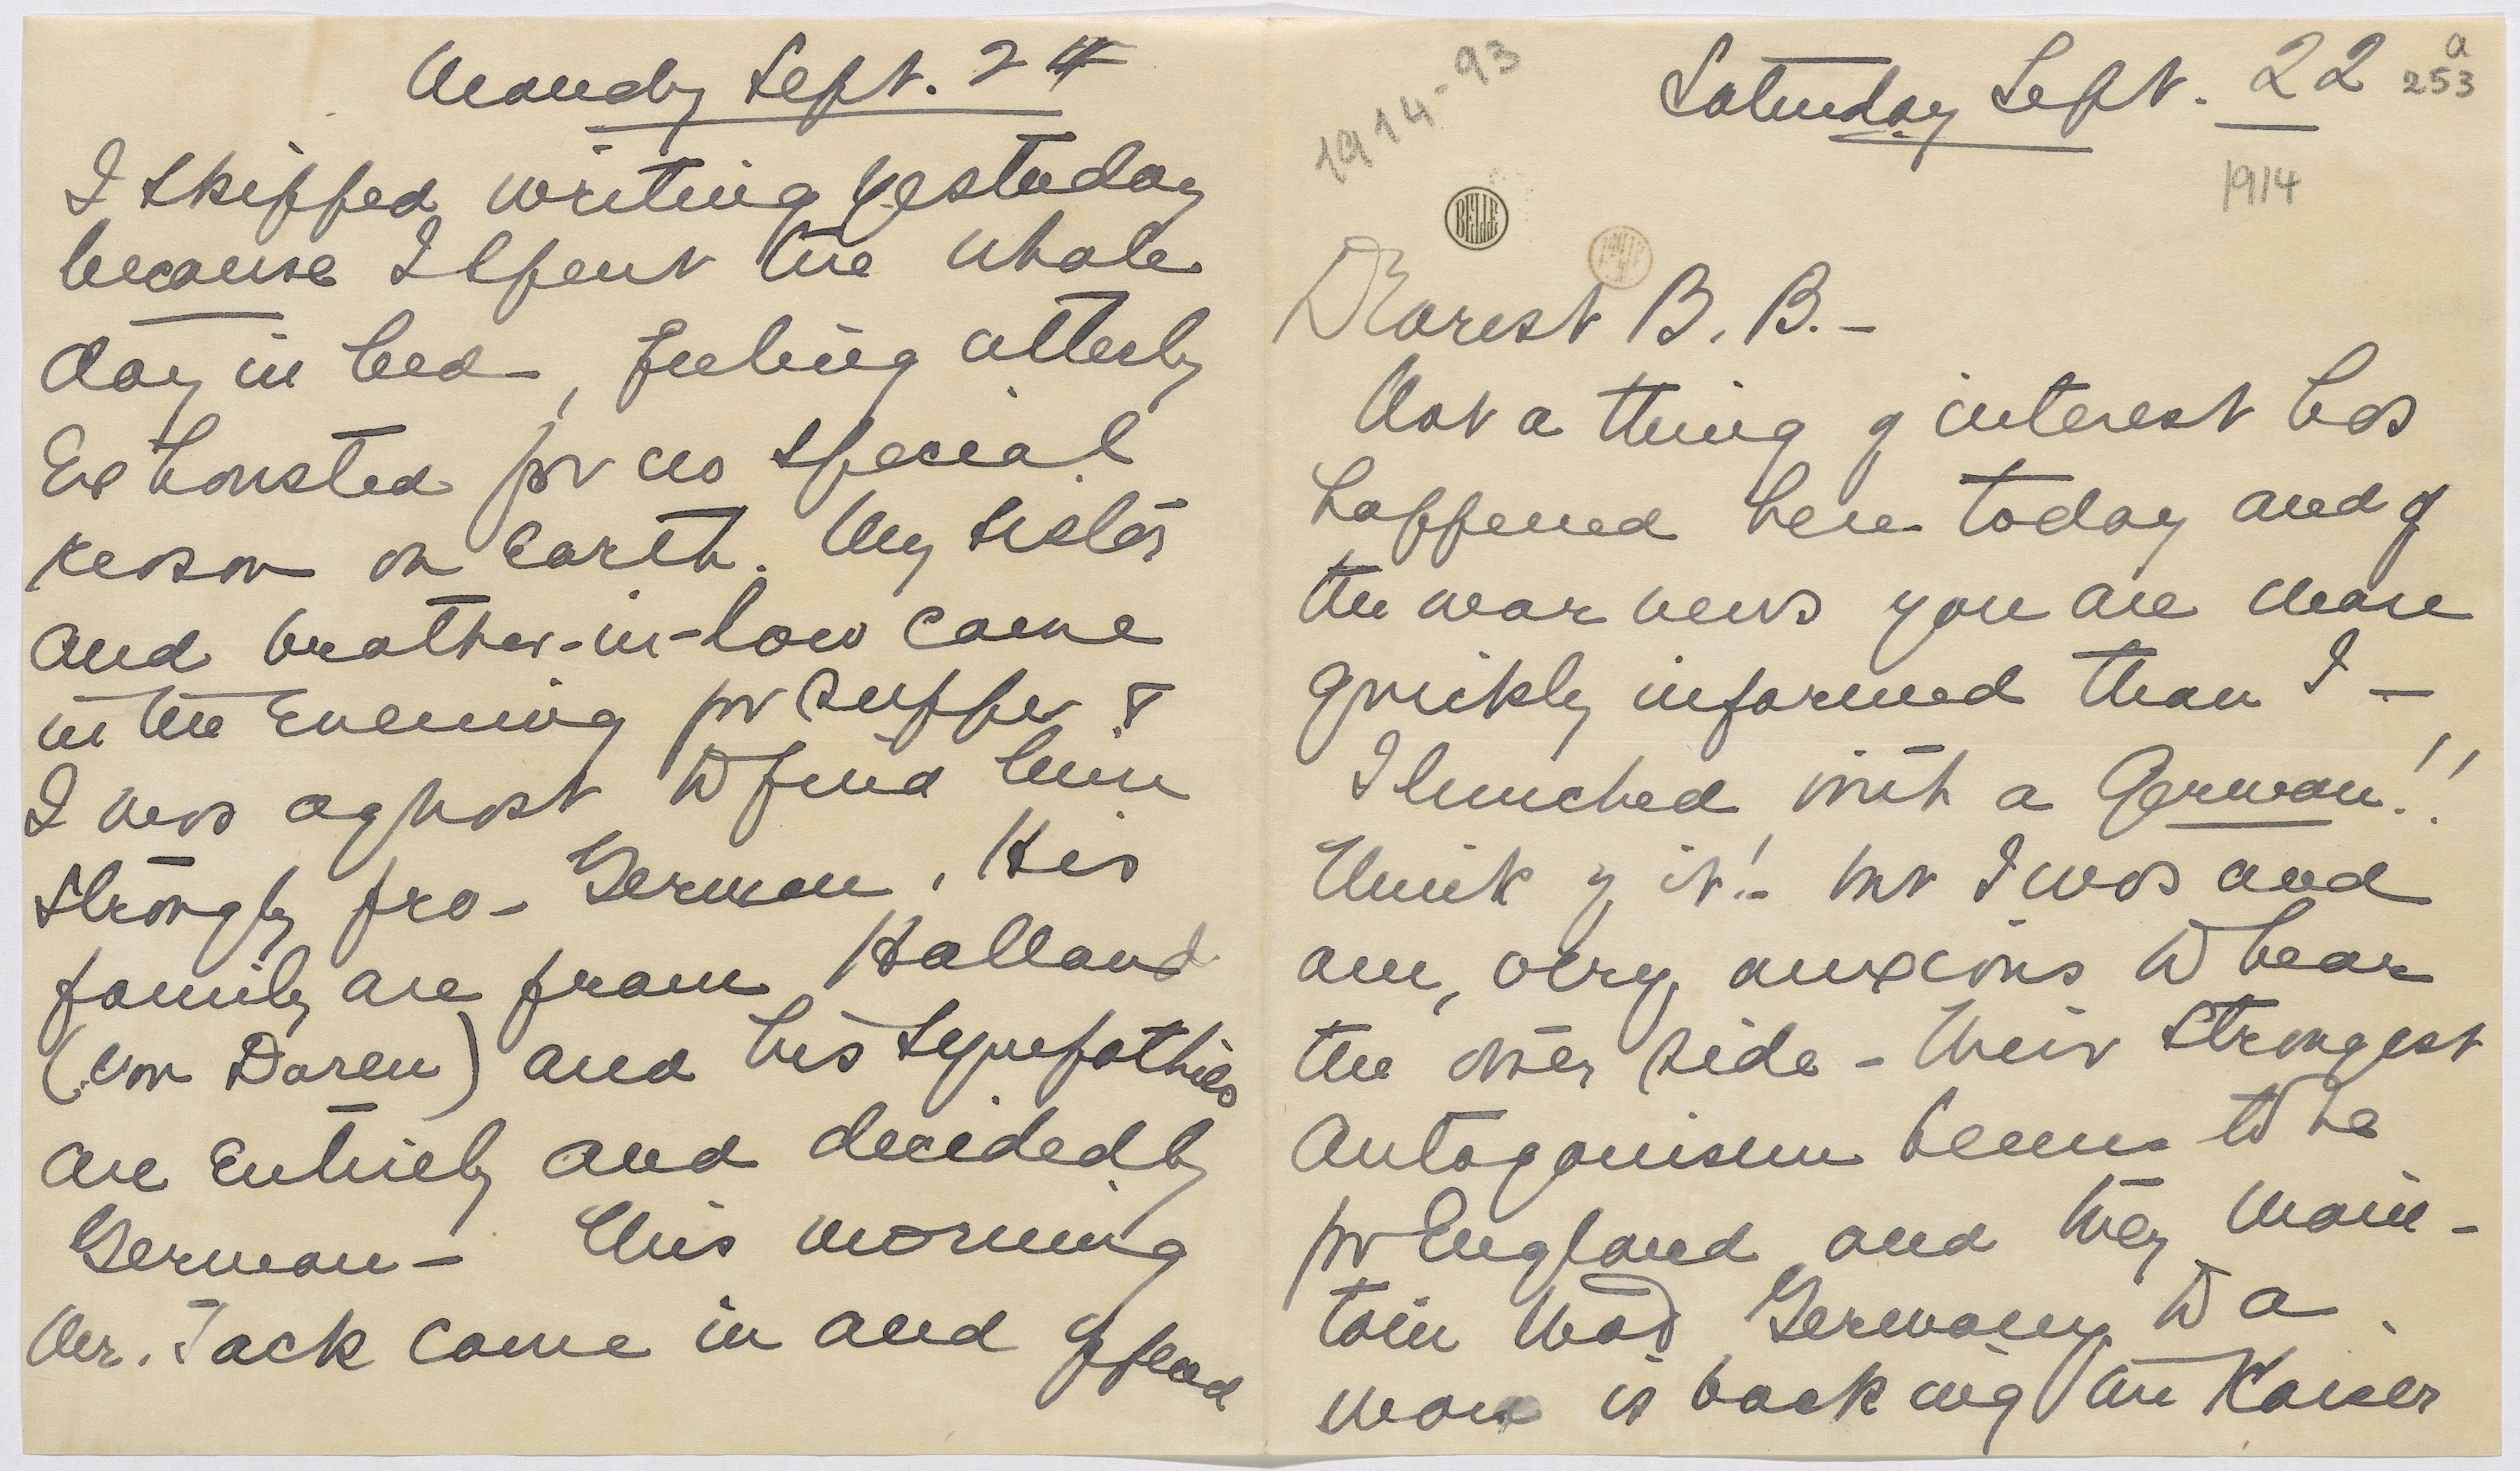Saturday Sept. 22
Dearest B. B. –
Not a thing of interest has happened here today and of the war news you are more quickly informed than I –
I lunched with a German!! Think of it! – but I was and am, very anxious to hear the other side – their strongest antagonism seems to be for England and they maintain that Germany to a war is backing the Kaiser
Monday Sept. 24
I skipped writing yesterday because I spent the whole day in bed, feeling utterly exhausted for no special reason on Earth. My sister and brother-in-law came in the evening for supper & I was aghast to find him strongly pro-German. His family are from Holland (von Daren) and his sympathies are entirely and decidedly German – this morning Mr. Jack came in and offered